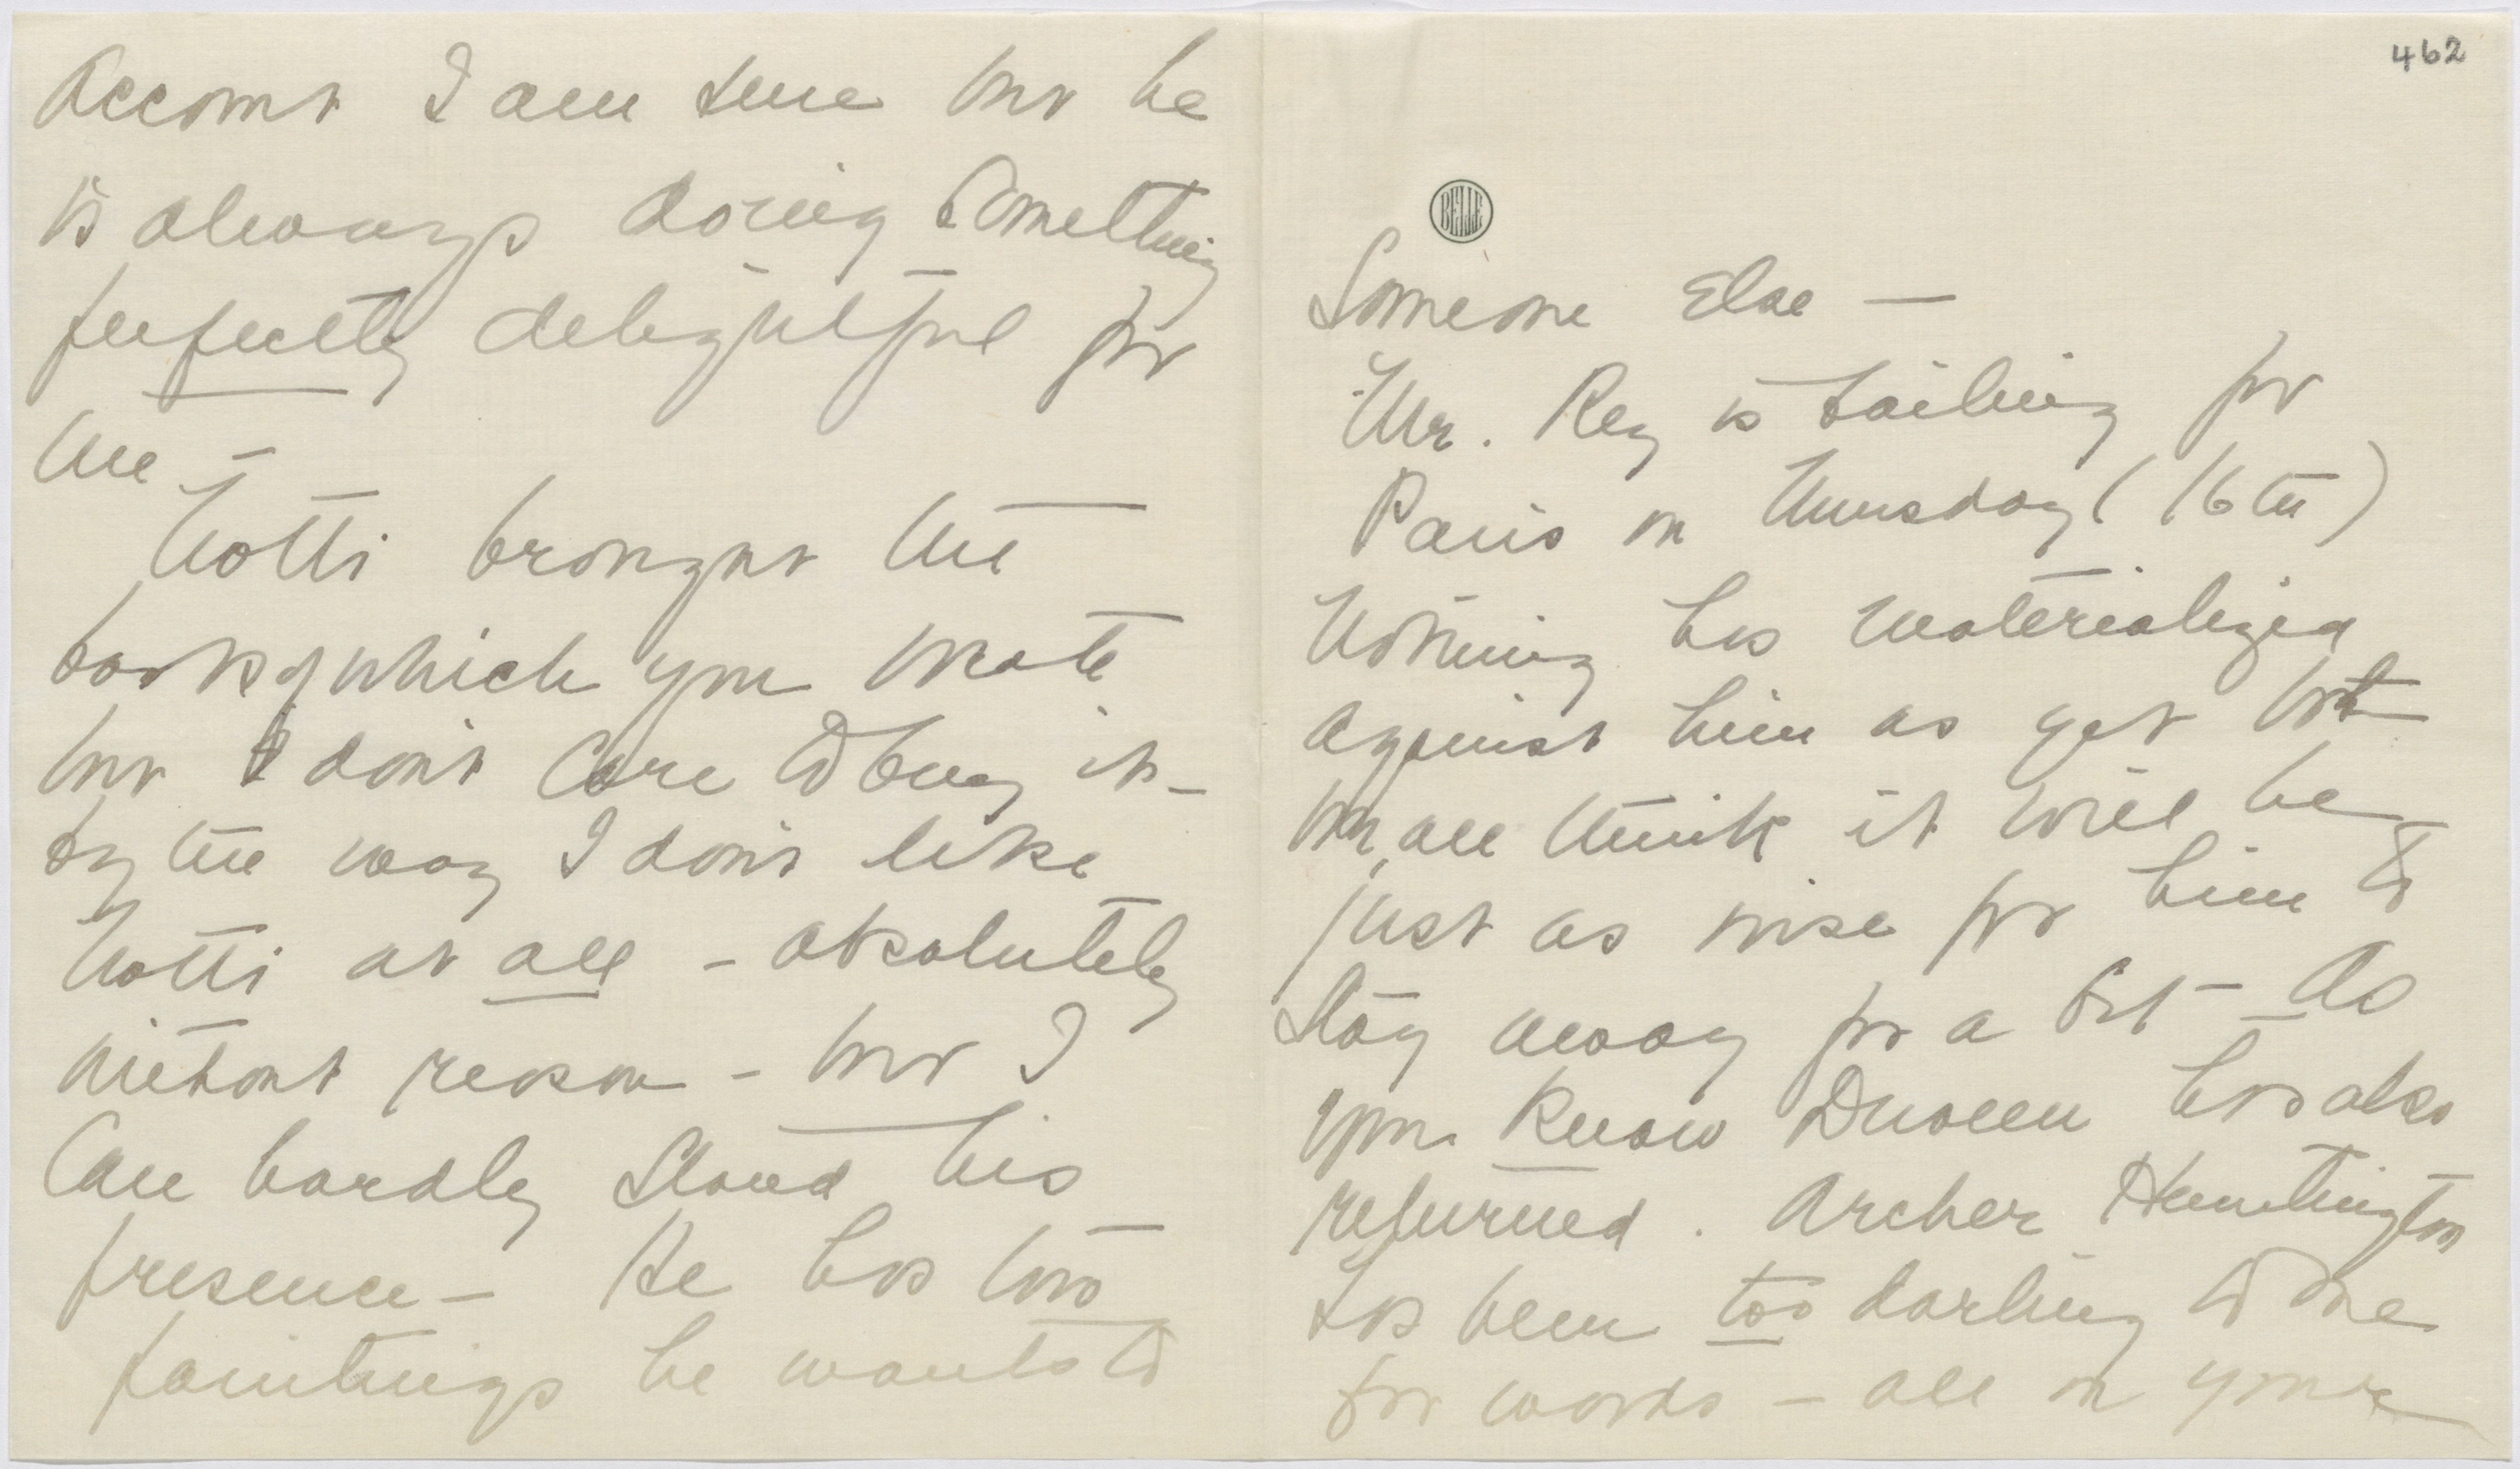someone else –
Mr. Rey is sailing for Paris on Thursday (16th) Nothing has materialized against him as yet but we all think it will be just as wise for him to stay away for a bit – As you know Duveen has also returned. Archer Huntington has been too darling to me for words – all on your
account I am sure but he is always doing something perfectly delightful for me –
Trotti brought the book of which you wrote but I don’t care to buy it – by the way I don’t like Trotti at all – absolutely without reason – but I can hardly stand his presence – He has two paintings he wants to